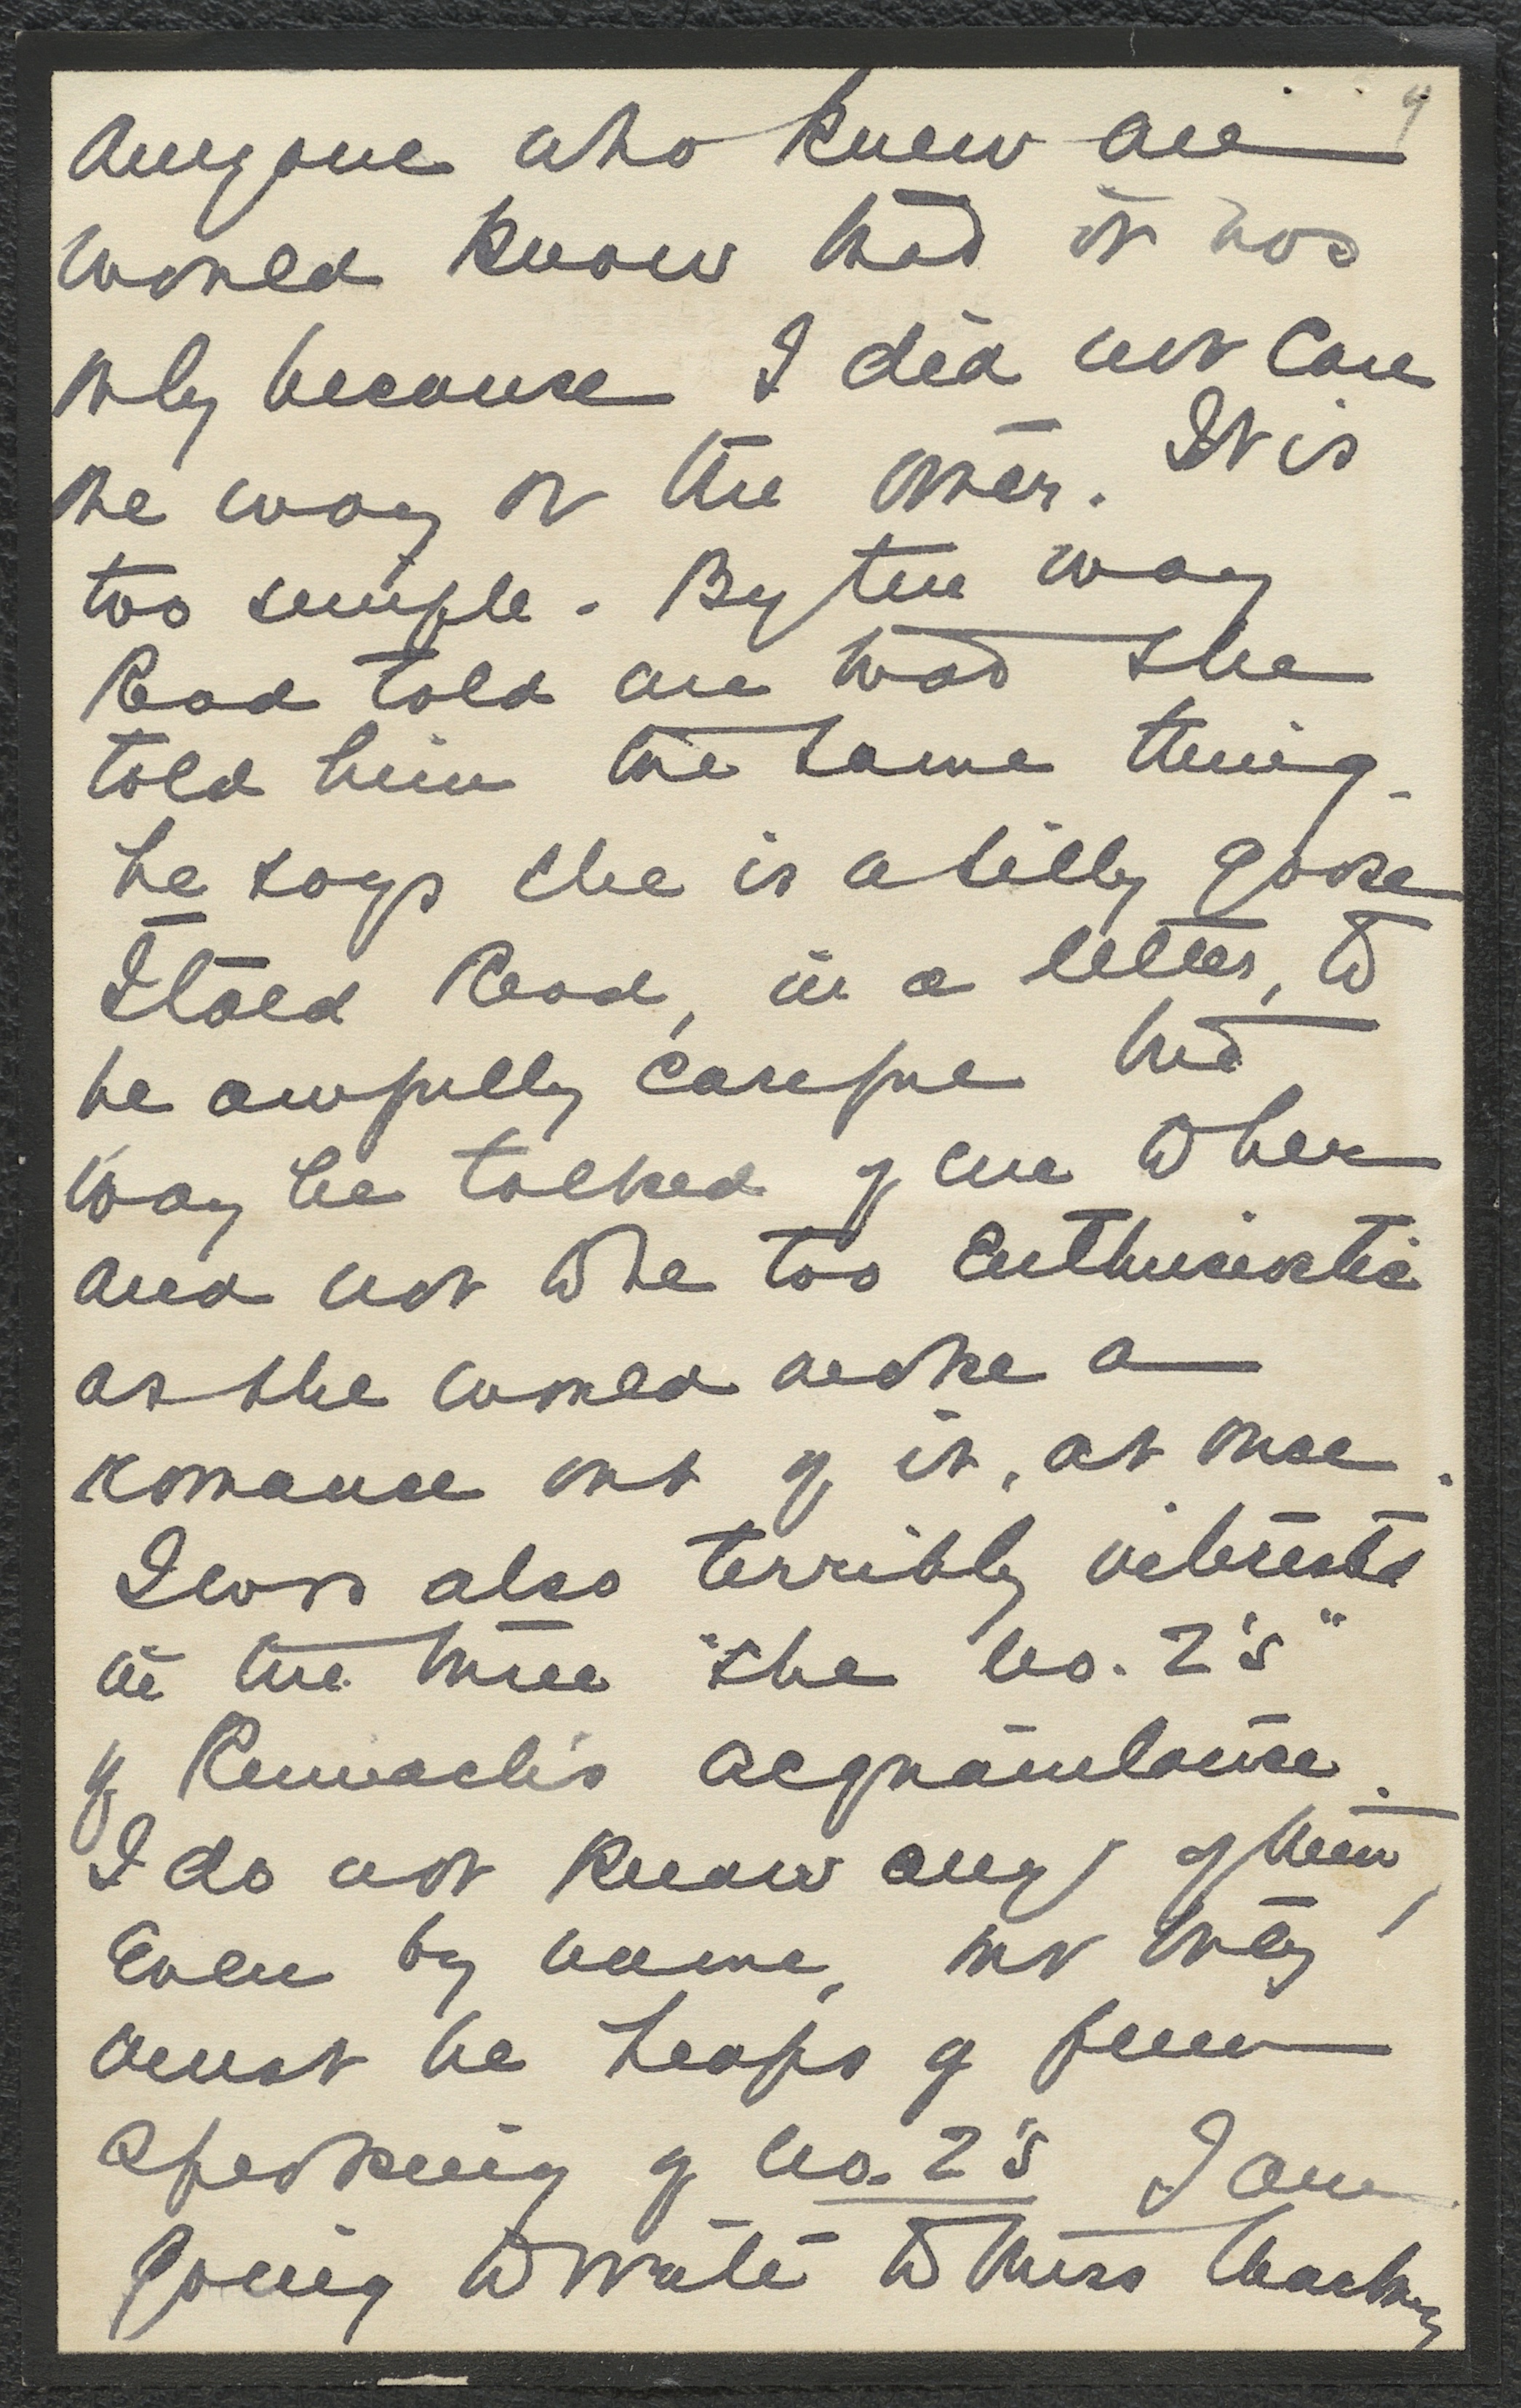anyone who knew me would know that it was only because I did not care one way or the other. It is too simple – By the way Read told me that she told him the same thing – he says she is a silly goose I told Read, in a letter, to be awfully careful that way he talked of me to her and not to be too enthusiastic as she would make a romance out of it, at once. I was also terribly interested in the three “she no. 2’s” of Reinach’s acquaintance. I do not know any of them even by name, but they must be heaps of fun speaking of no. 2’s I am going to write to Miss Marbury